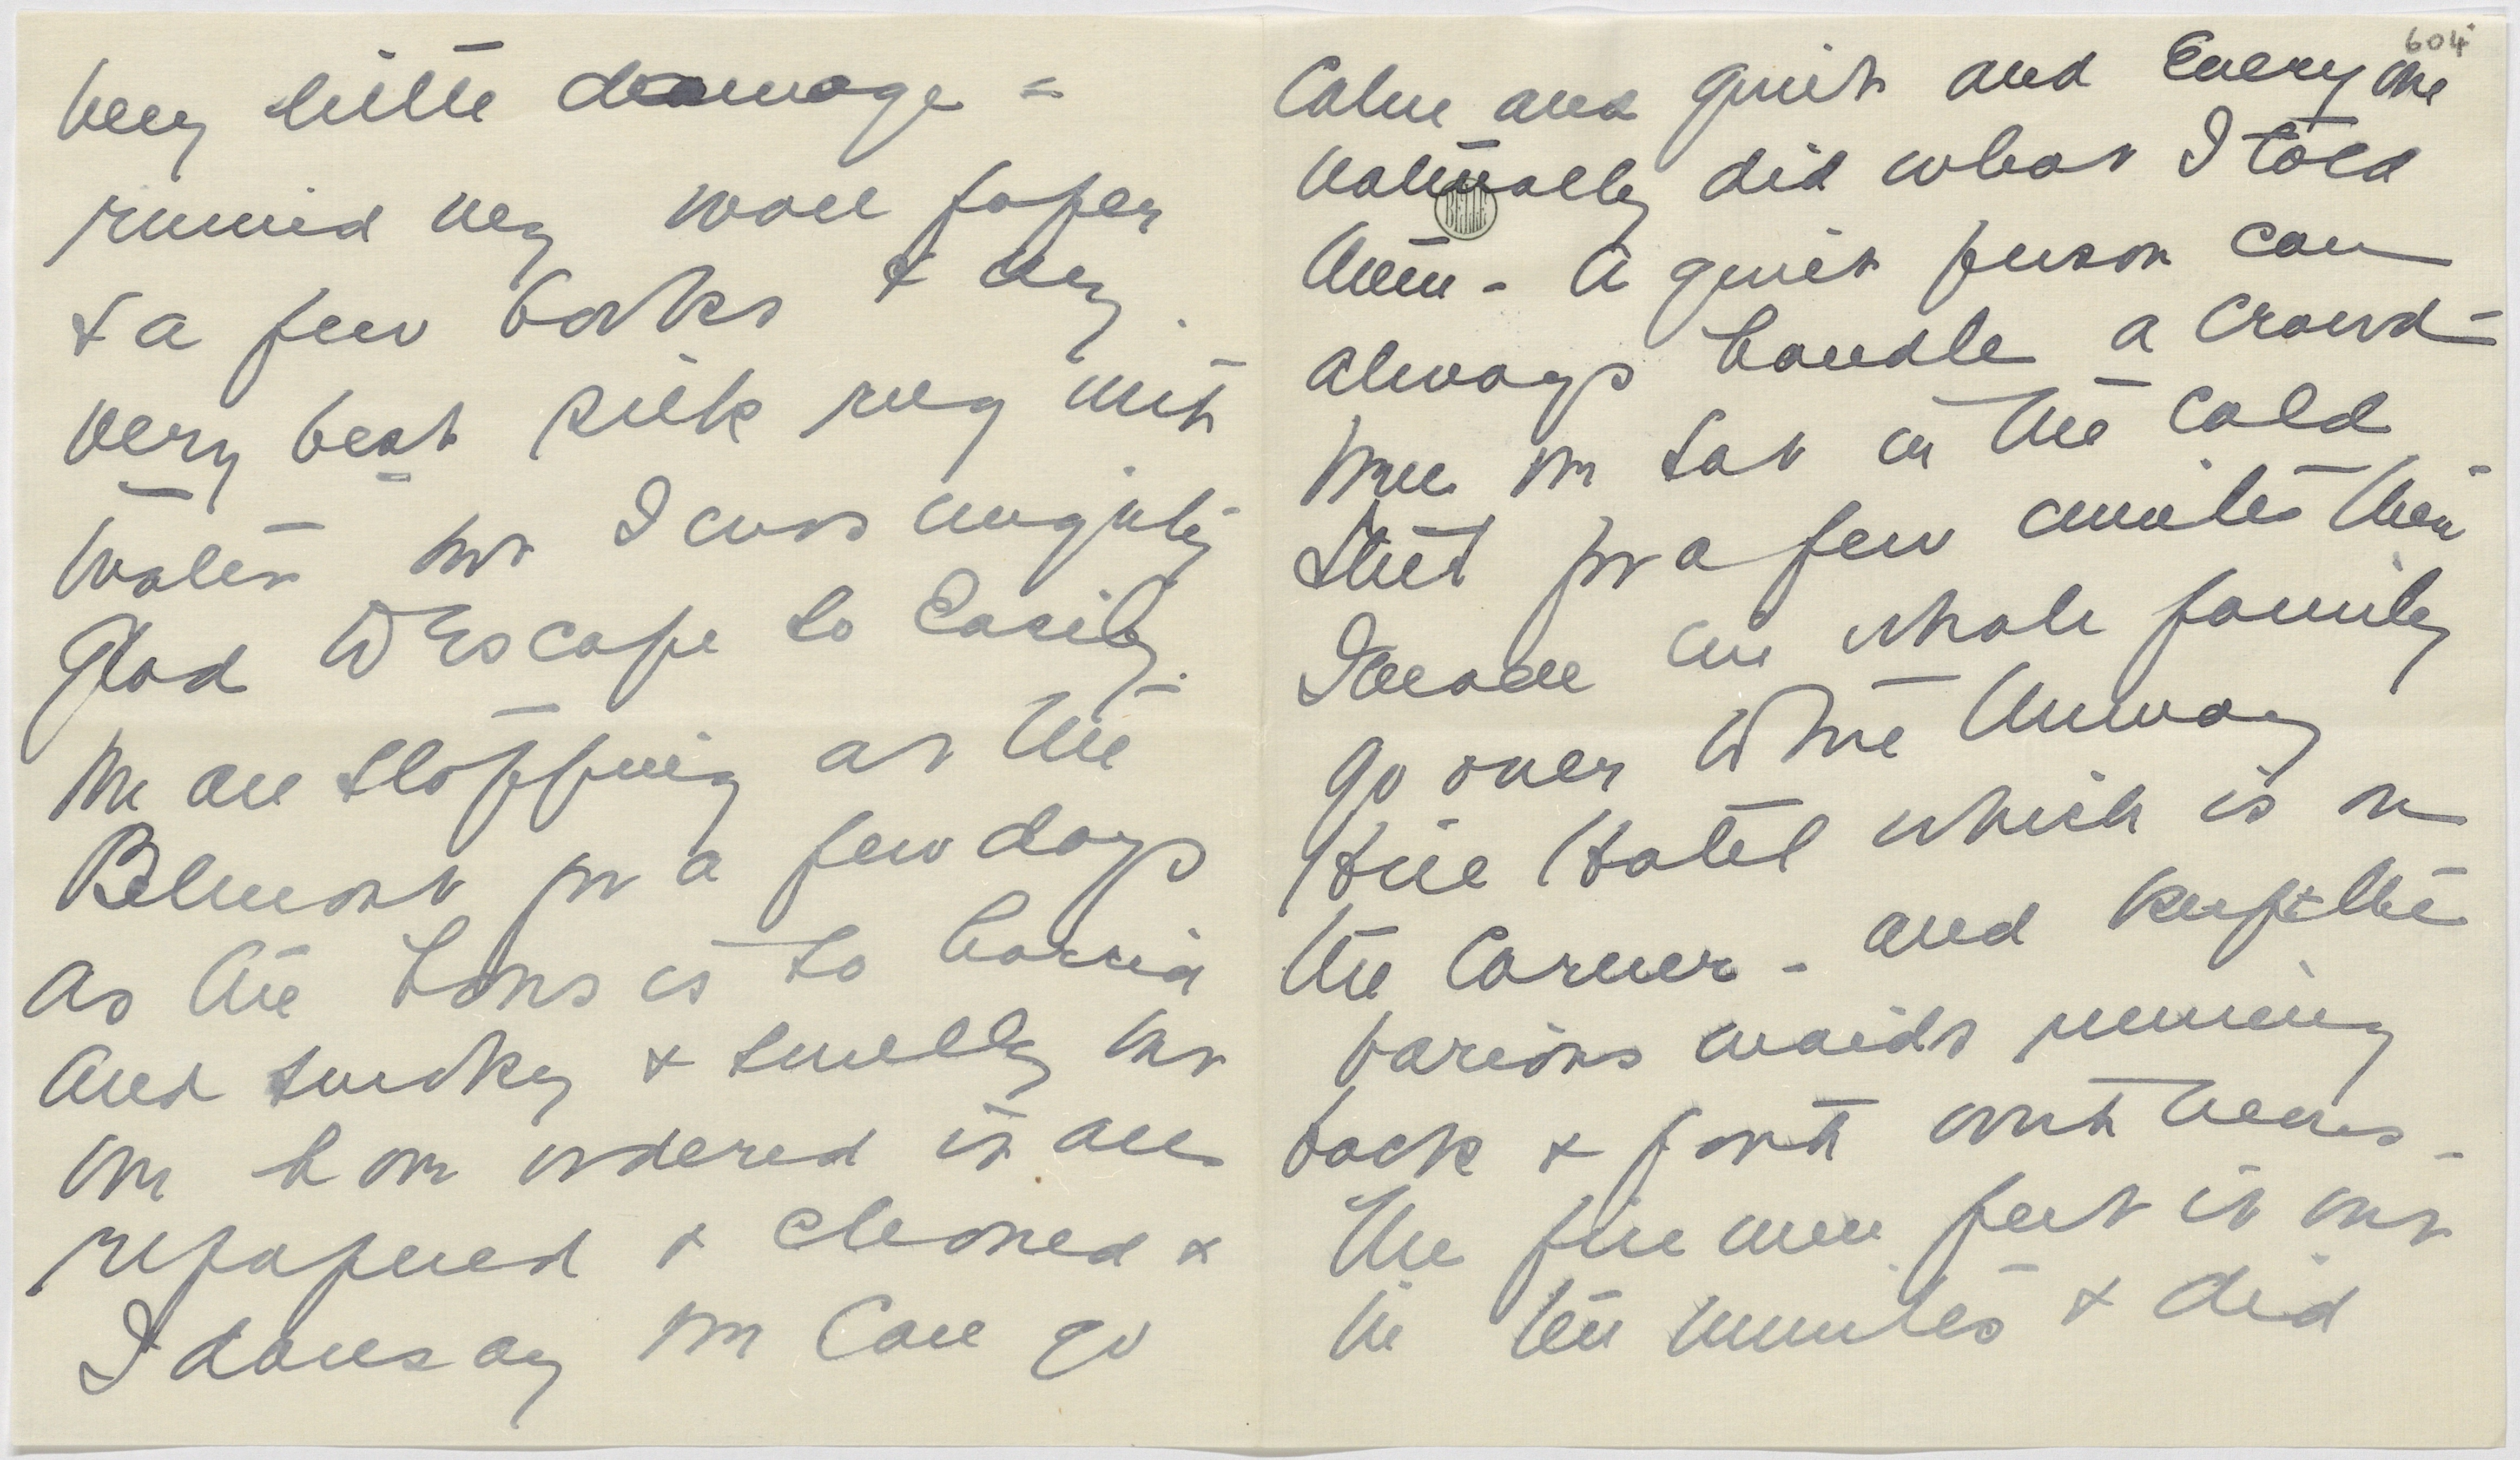calm and quiet and everyone naturally did what I told them – A quiet person can always handle a crowd – Well we sat in the cold street for a few minutes then I made the whole family go over to the Murray Hill Hotel which is on the corner – and kept the various maids running back & forth with news –
The fire men put it out in ten minutes & did
very little damage & ruined my wall paper & a few books & my very best silk rug with water but I was mighty glad to escape so easily. We are stopping at the Belmont for a few days as the hous [sic] is so horrid and smoky & smelly but we have ordered it all repapered & cleaned & I daresay we can go